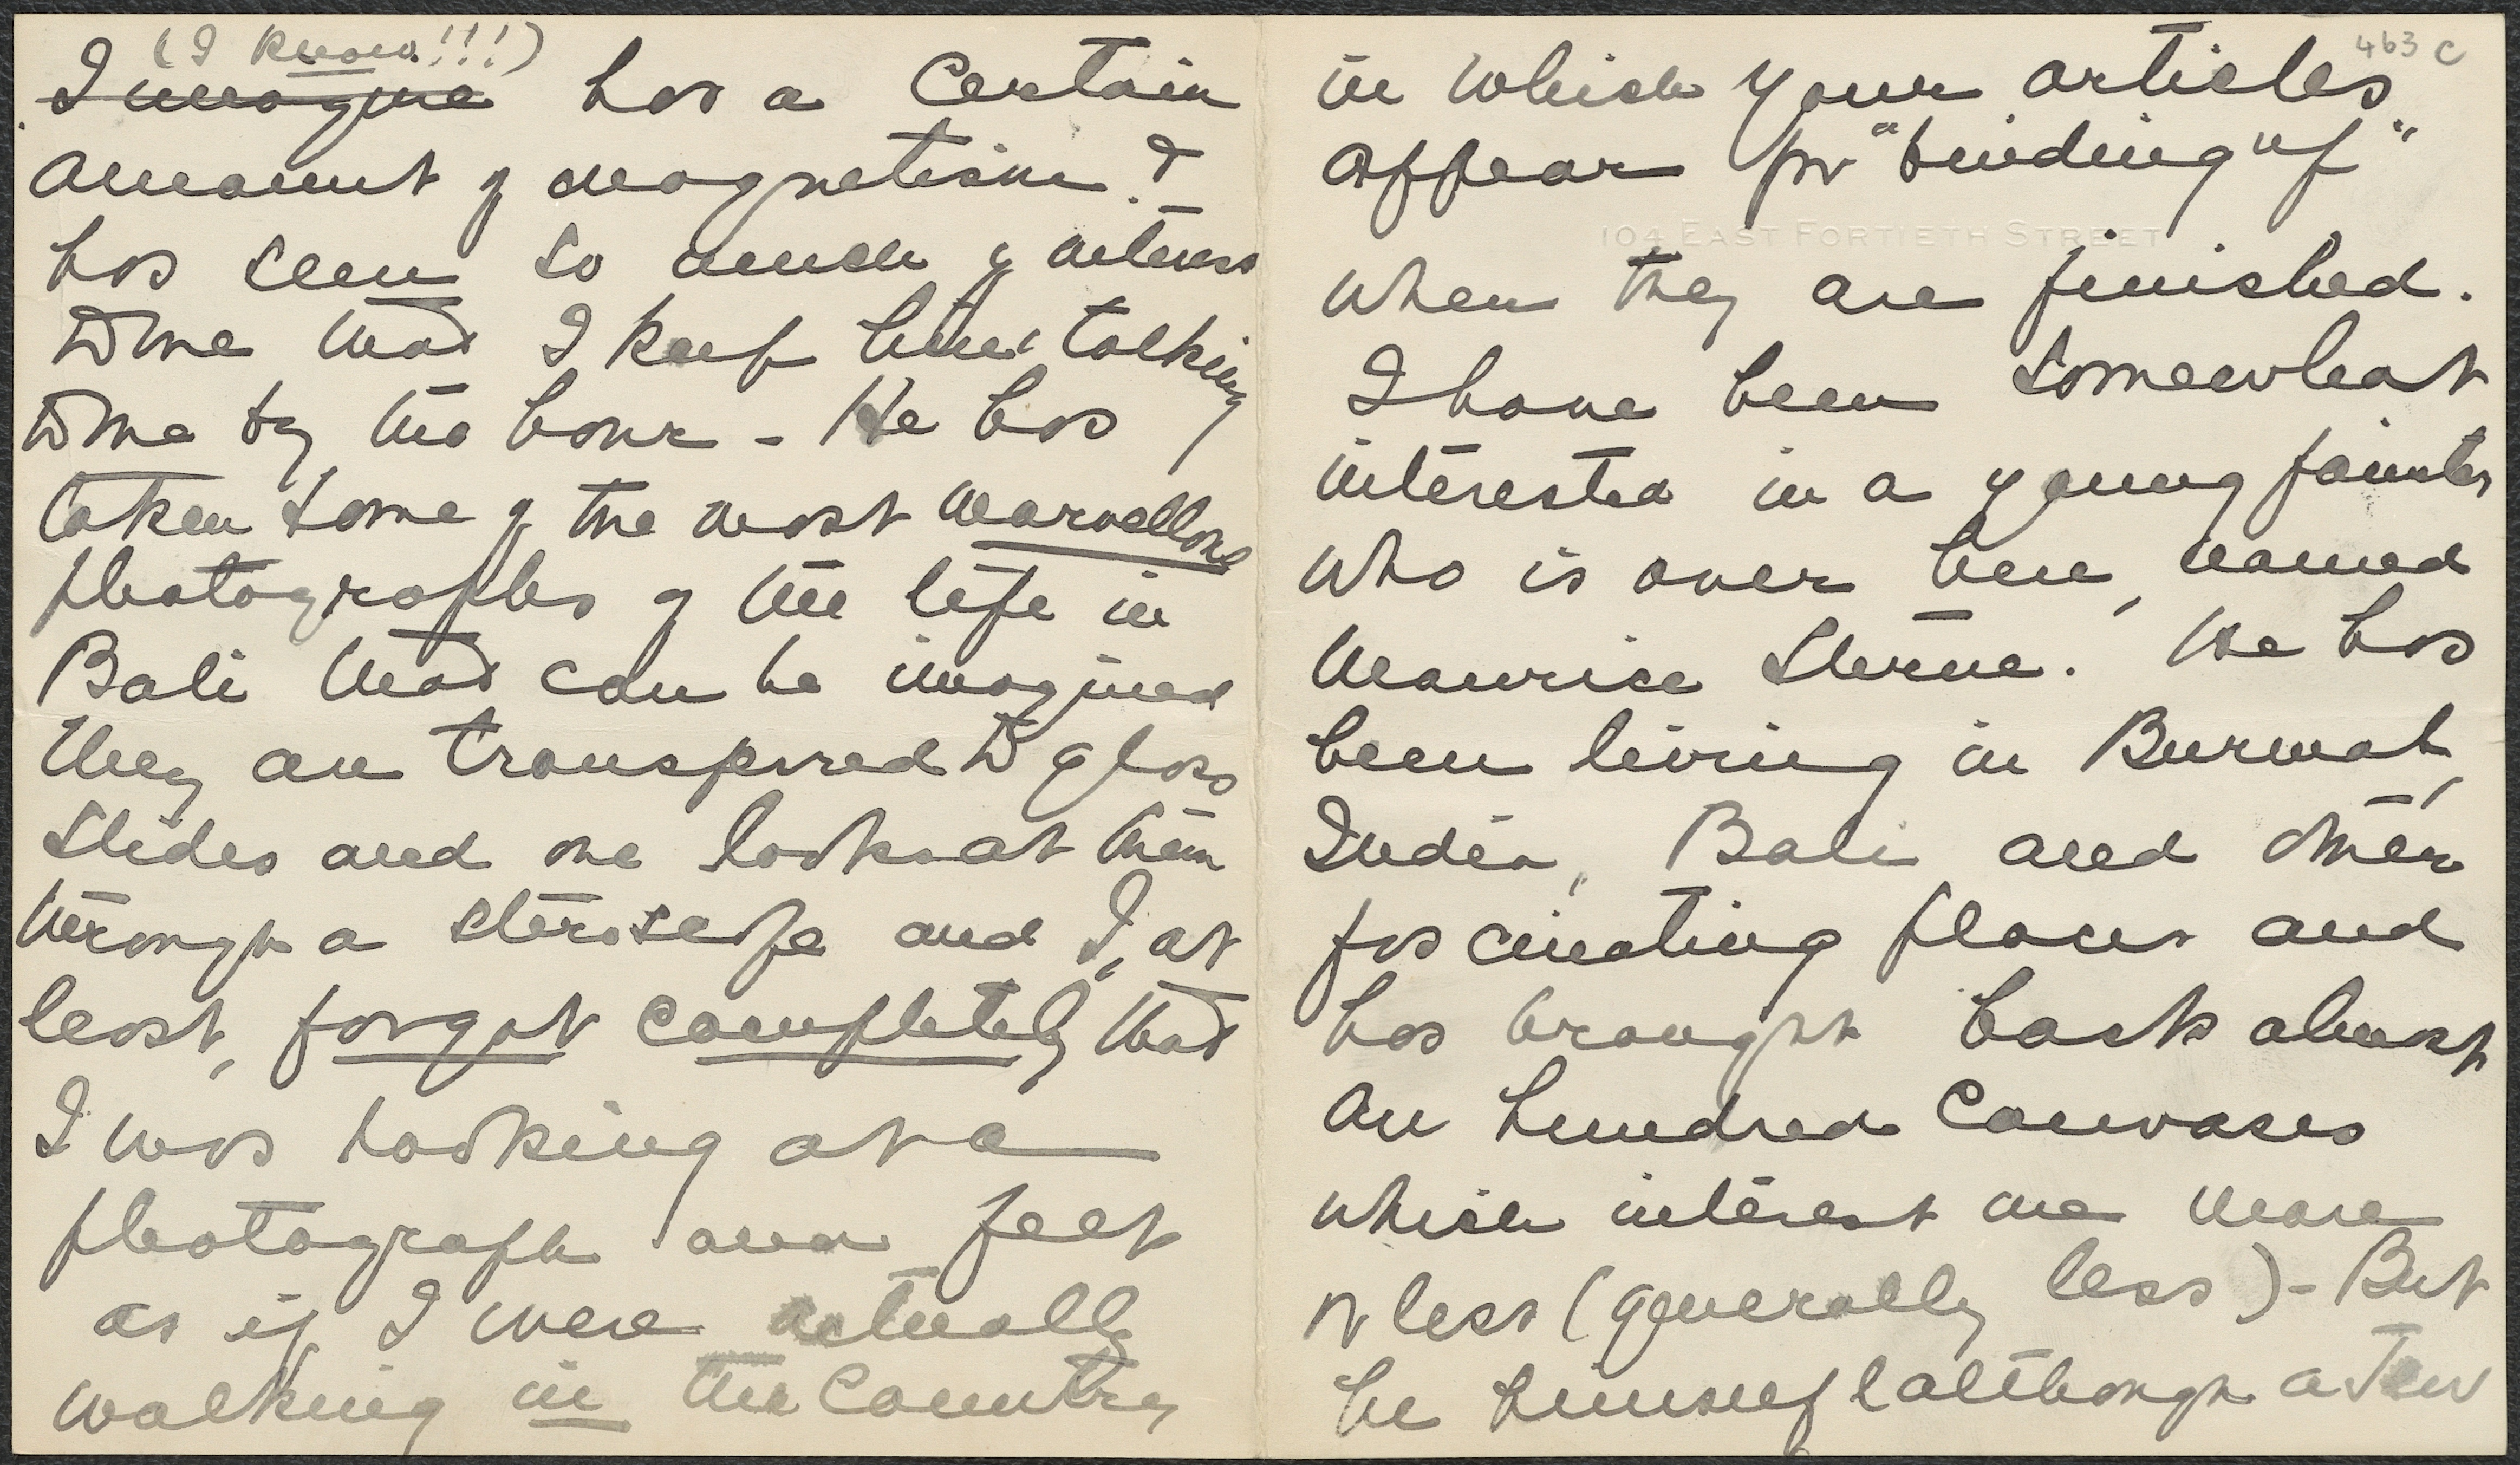in which your articles appear for “building up” when they are finished. I have been somewhat interested in a young painter who is over here, named Maurice Sterne. He has been living in Burmah, India, Bali and other fascinating places and has brought back almost an [sic] hundred canvases which interest me more or less (generally less) – But he himself (although a Jew
I imagine (I know!!!) has a certain amount of imagination & has seen so much of interest to me that I keep him talking to me by the hour – He has taken some of the most marvellous photographs of the life in Bali that can be imagined they are transferred to glass slides and one looks at them through a steroscope [sic] and I, at least, forgot completely that I was look at a photograph and felt as if I were actually walking in the country